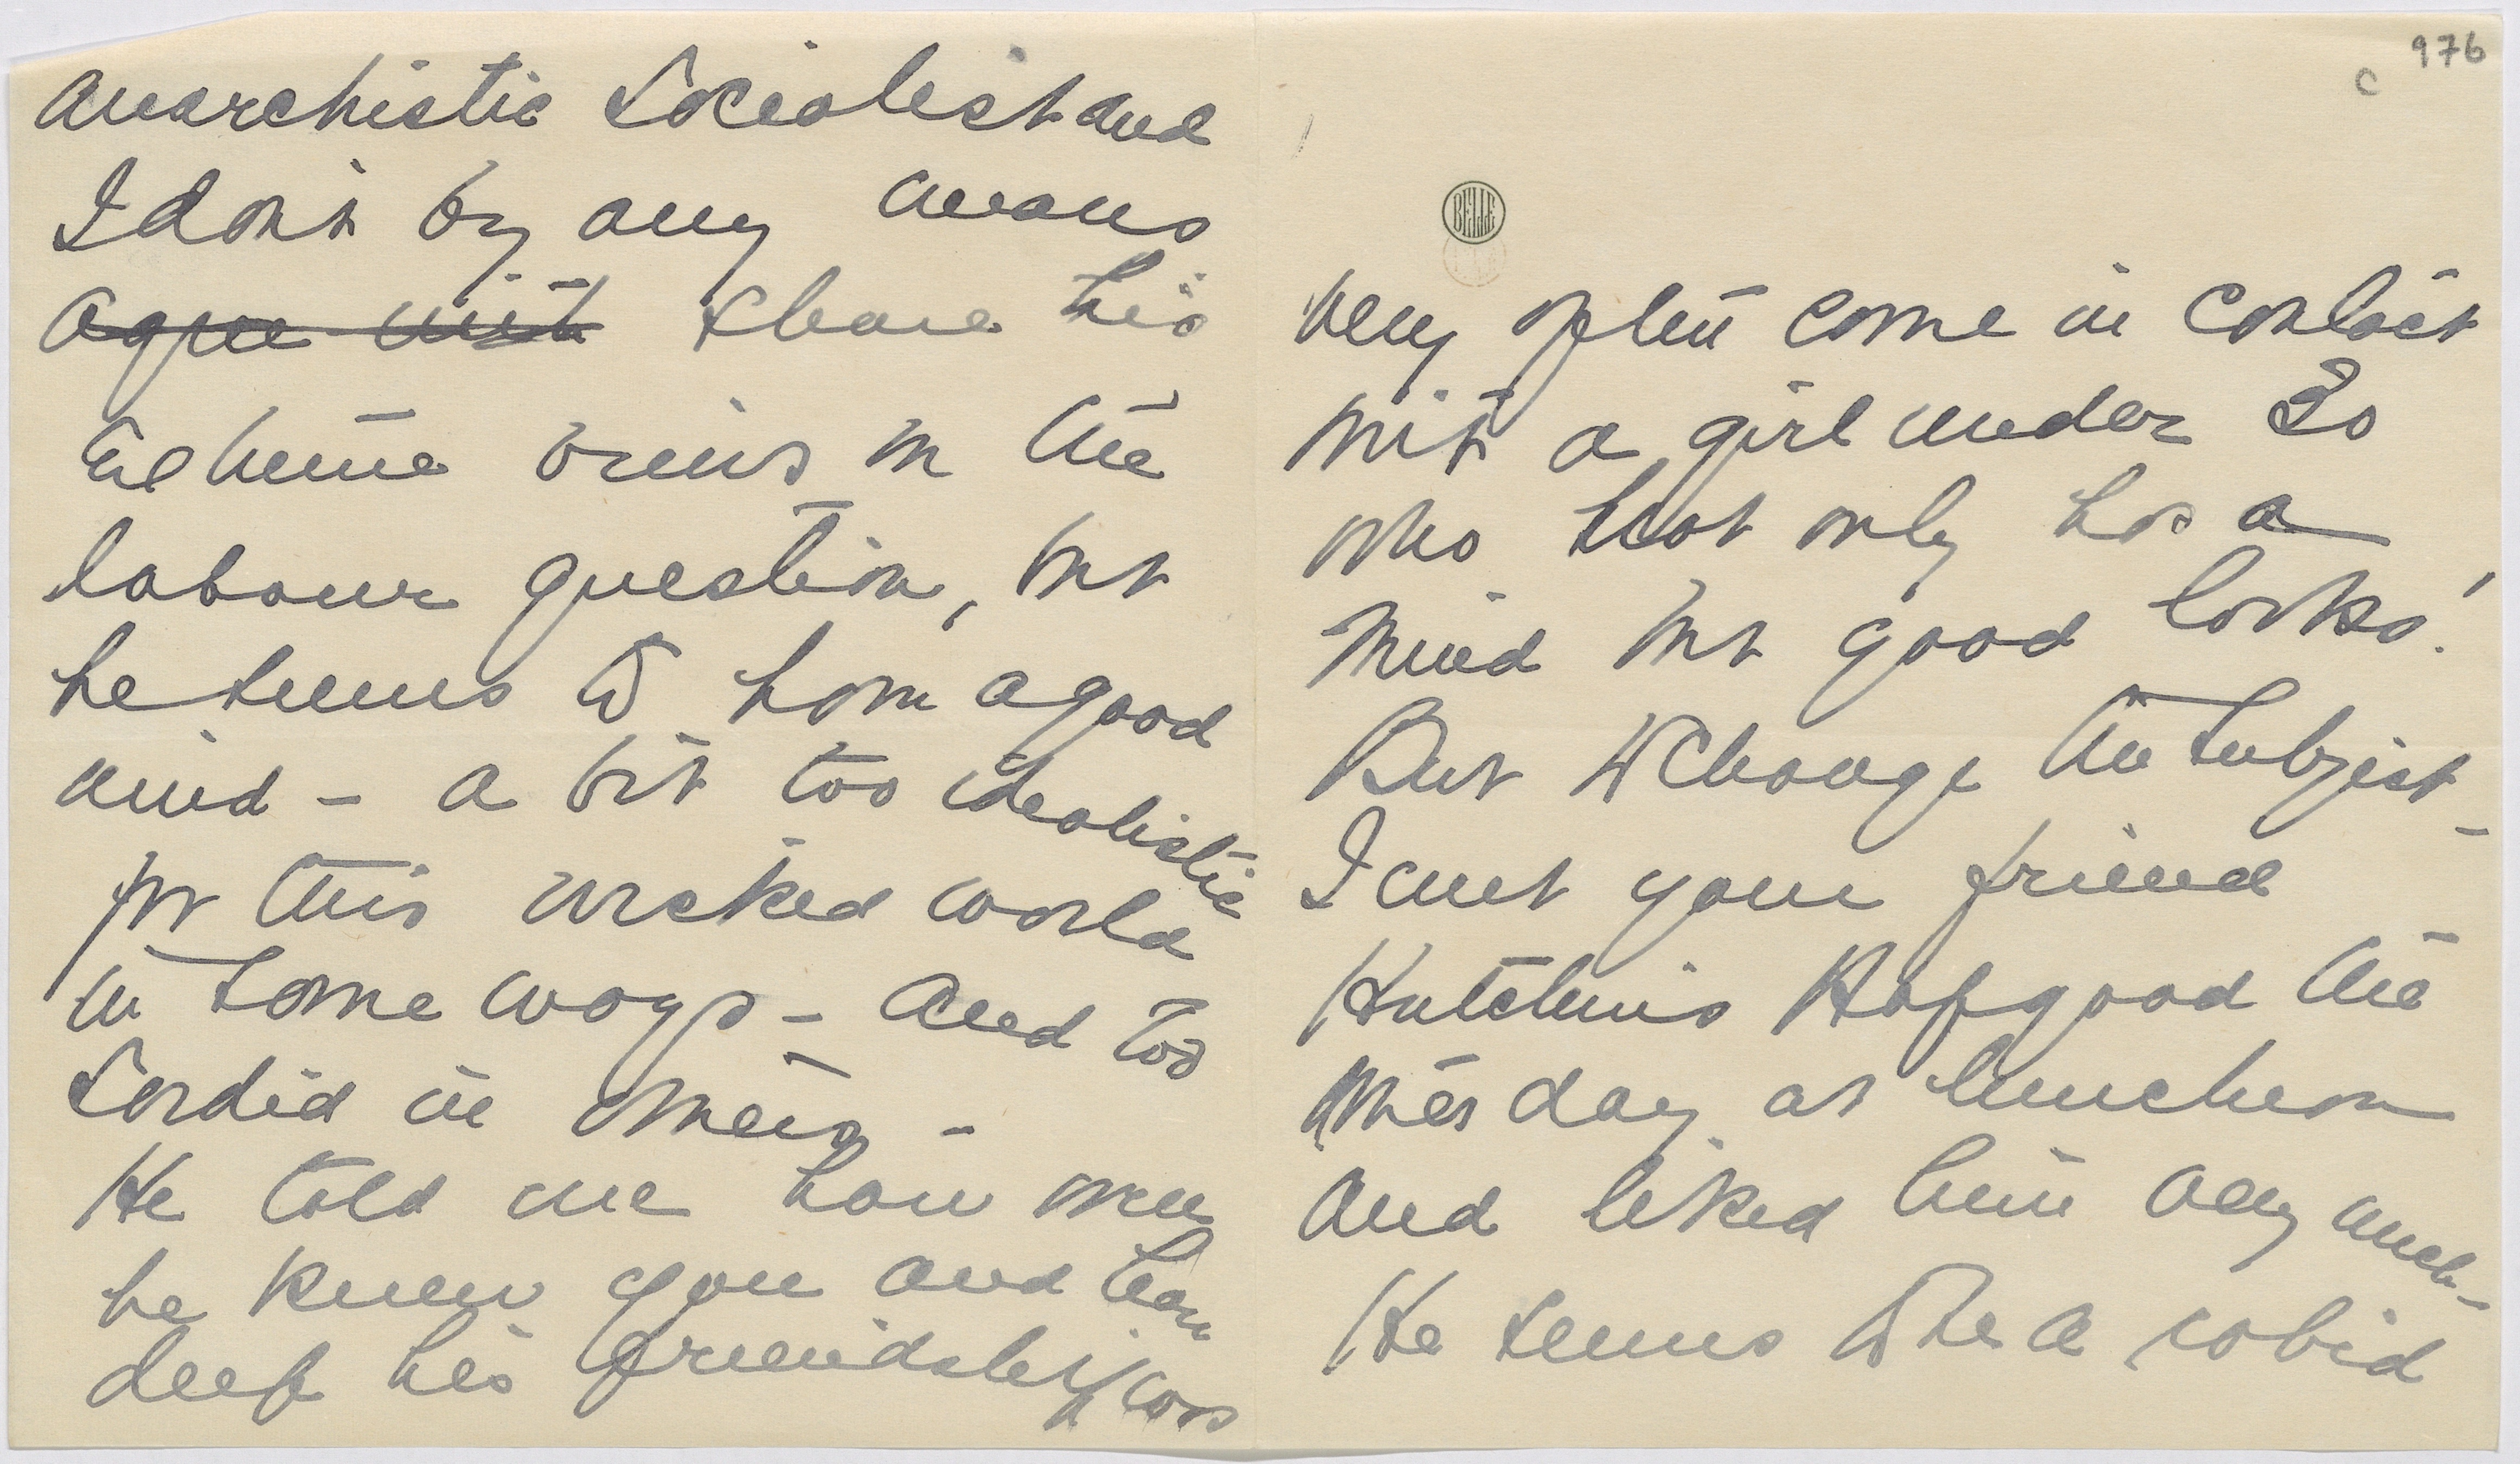very often come in contact with a girl under 30 who not only has a mind but good looks! But to change the subject – I met your friend Hutchins Hapgood the other day at luncheon and liked him very much – He seems to be a rabid
anarchistic socialist and I don’t by any means agree with share his extreme views on the labour question, but he seems to have a good mind – a bit too idealistic for this wicked world in some ways – and too sordid in others –
He told me how well he knew you and how deep his friendship was